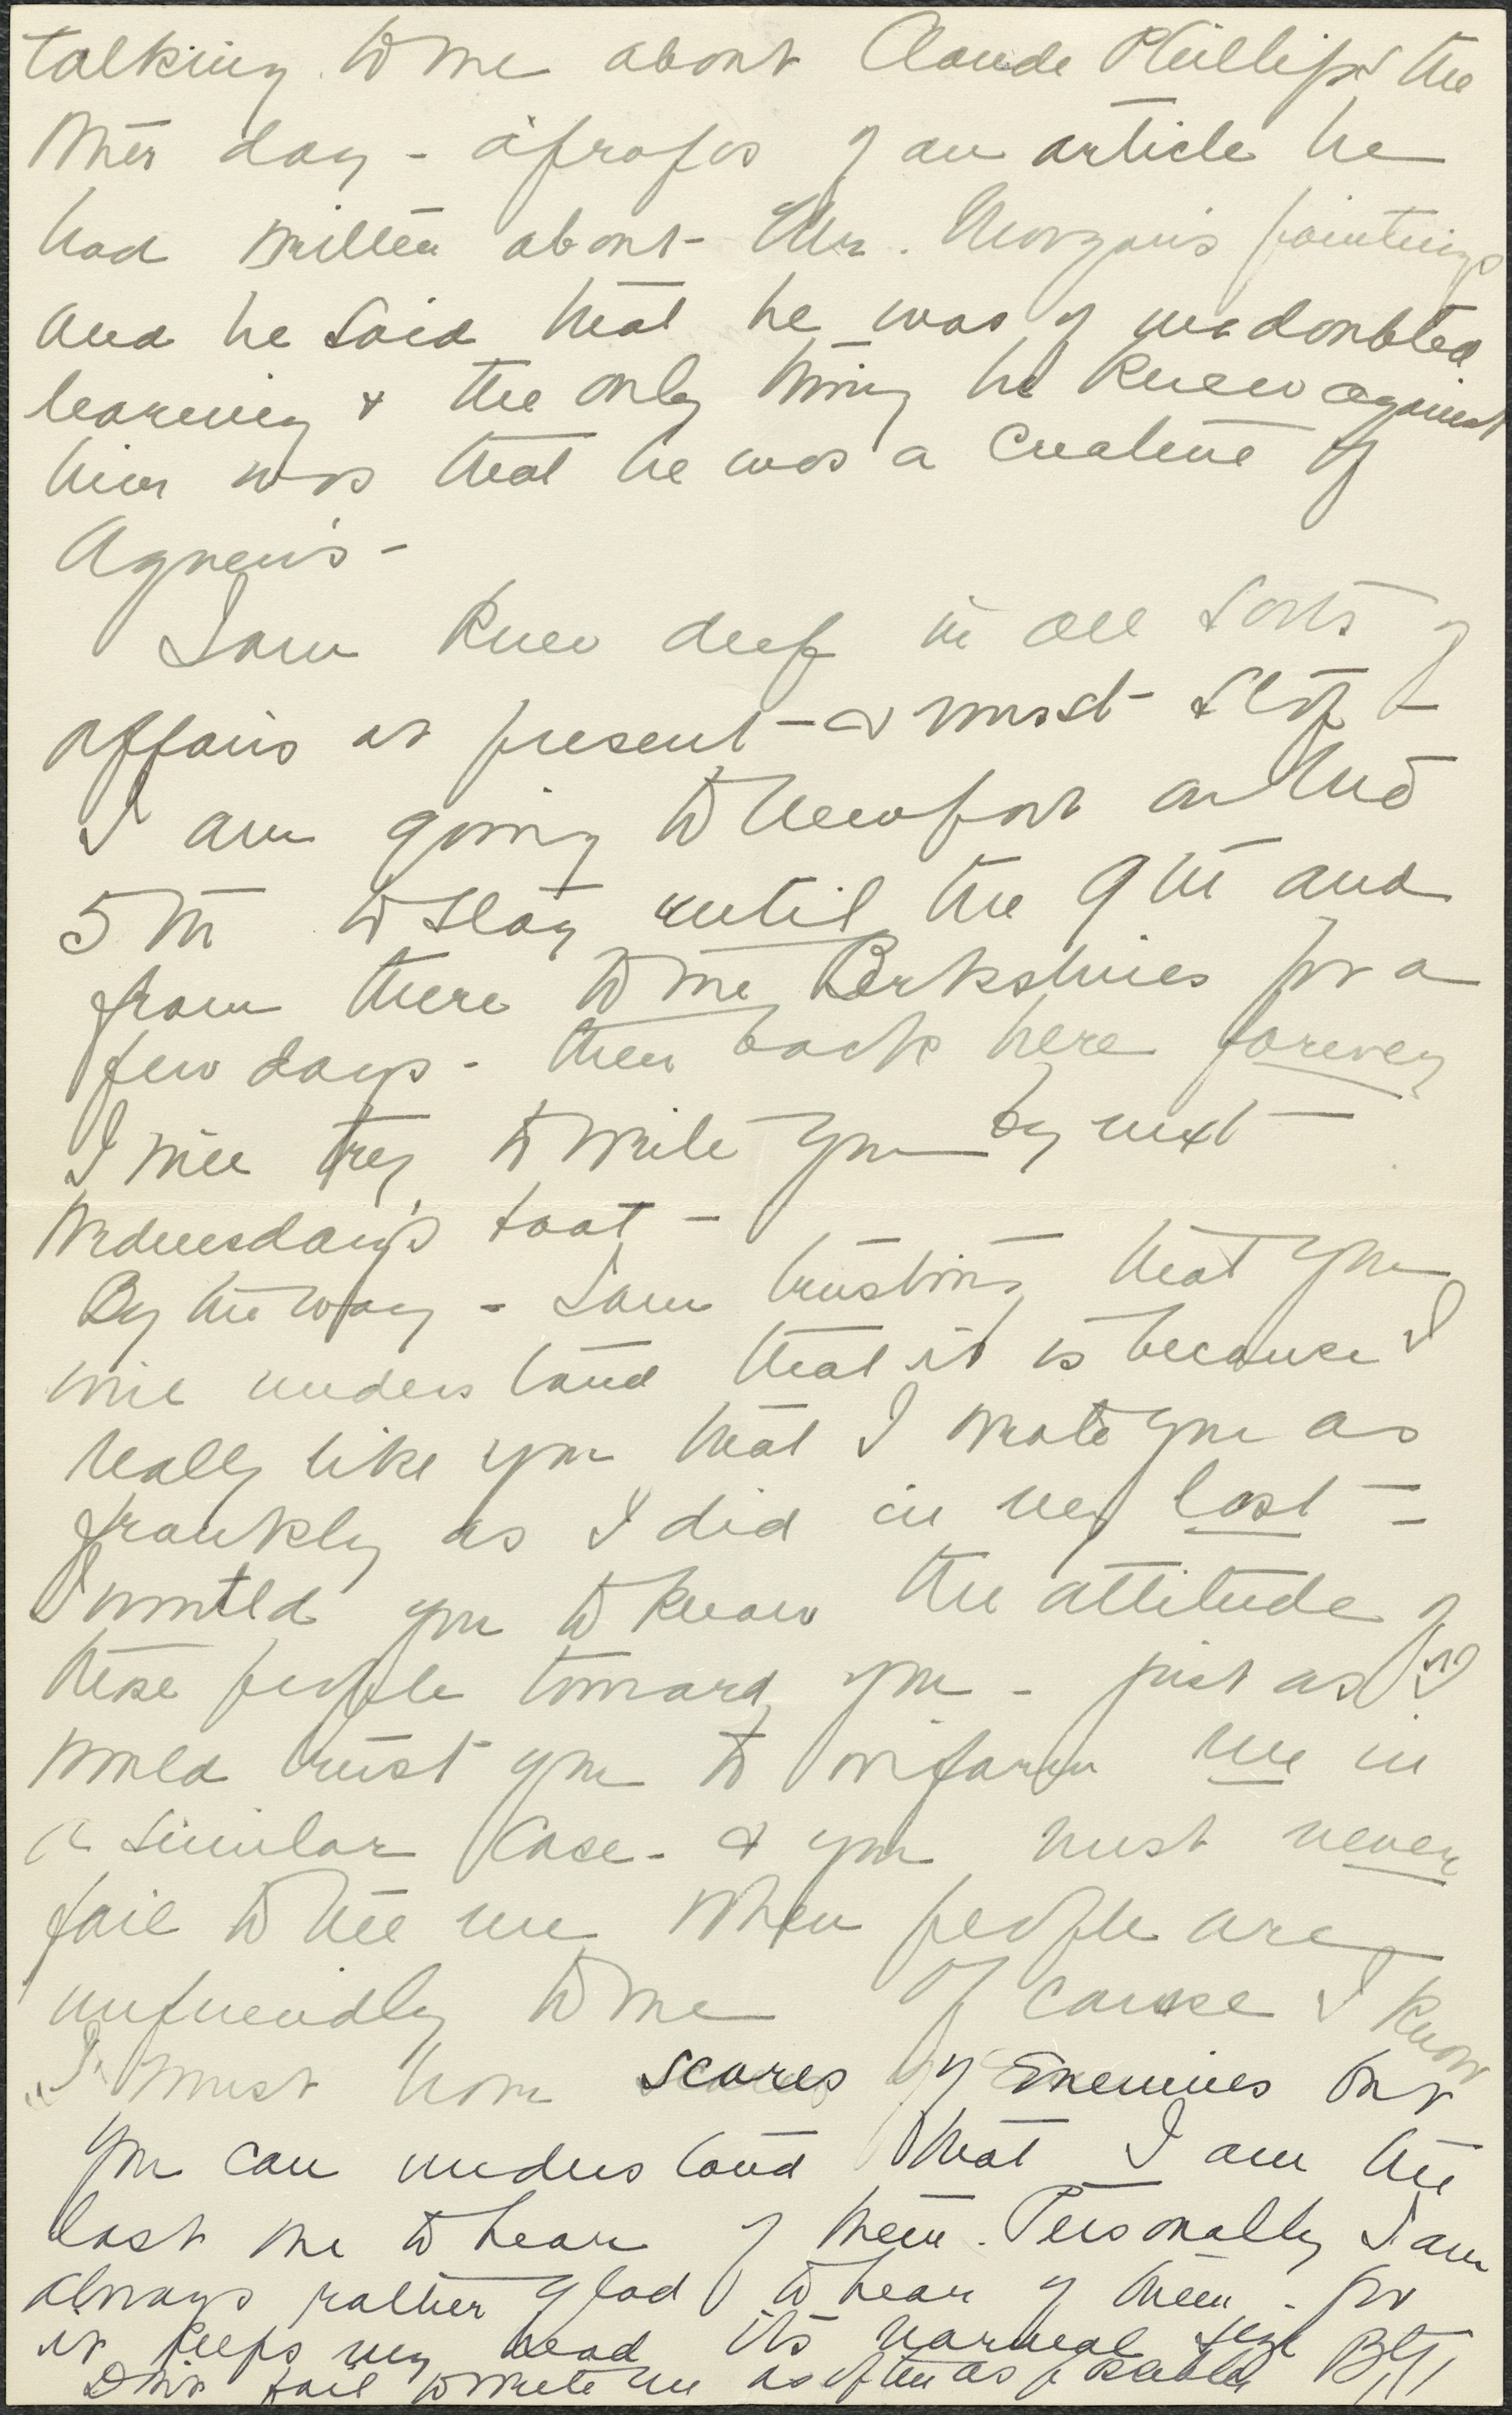talking to me about Claude Phillips the other day – apropos of an article he had written about Mr. Morgan’s paintings and he said that he was of undoubted learning & the only thing he knew against him was that he was a creature of Agnew’s –
I am knee deep in all sorts of affairs at present & must stop – I am going to Newport on the 5th to stay until the 9th and from there to the Berkshires for a few days – then back here forever
I will try to write you by next Wednesday’s boat –
By the way – I am trusting that you will understand that it is because I really like you that I wrote you as frankly as I did in my last – wanted you to know the attitude of these people toward you – just as I would trust you to inform me in a similar case – & you must never fail to tell me when people are unfriendly to me of course I know I must have [change in pen] scores of enemies but you can understand that I am the last one to hear of them. Personally I am always rather glad to hear of them for it keeps my head its normal size
Don’t fail to write me as often as possible B.G.